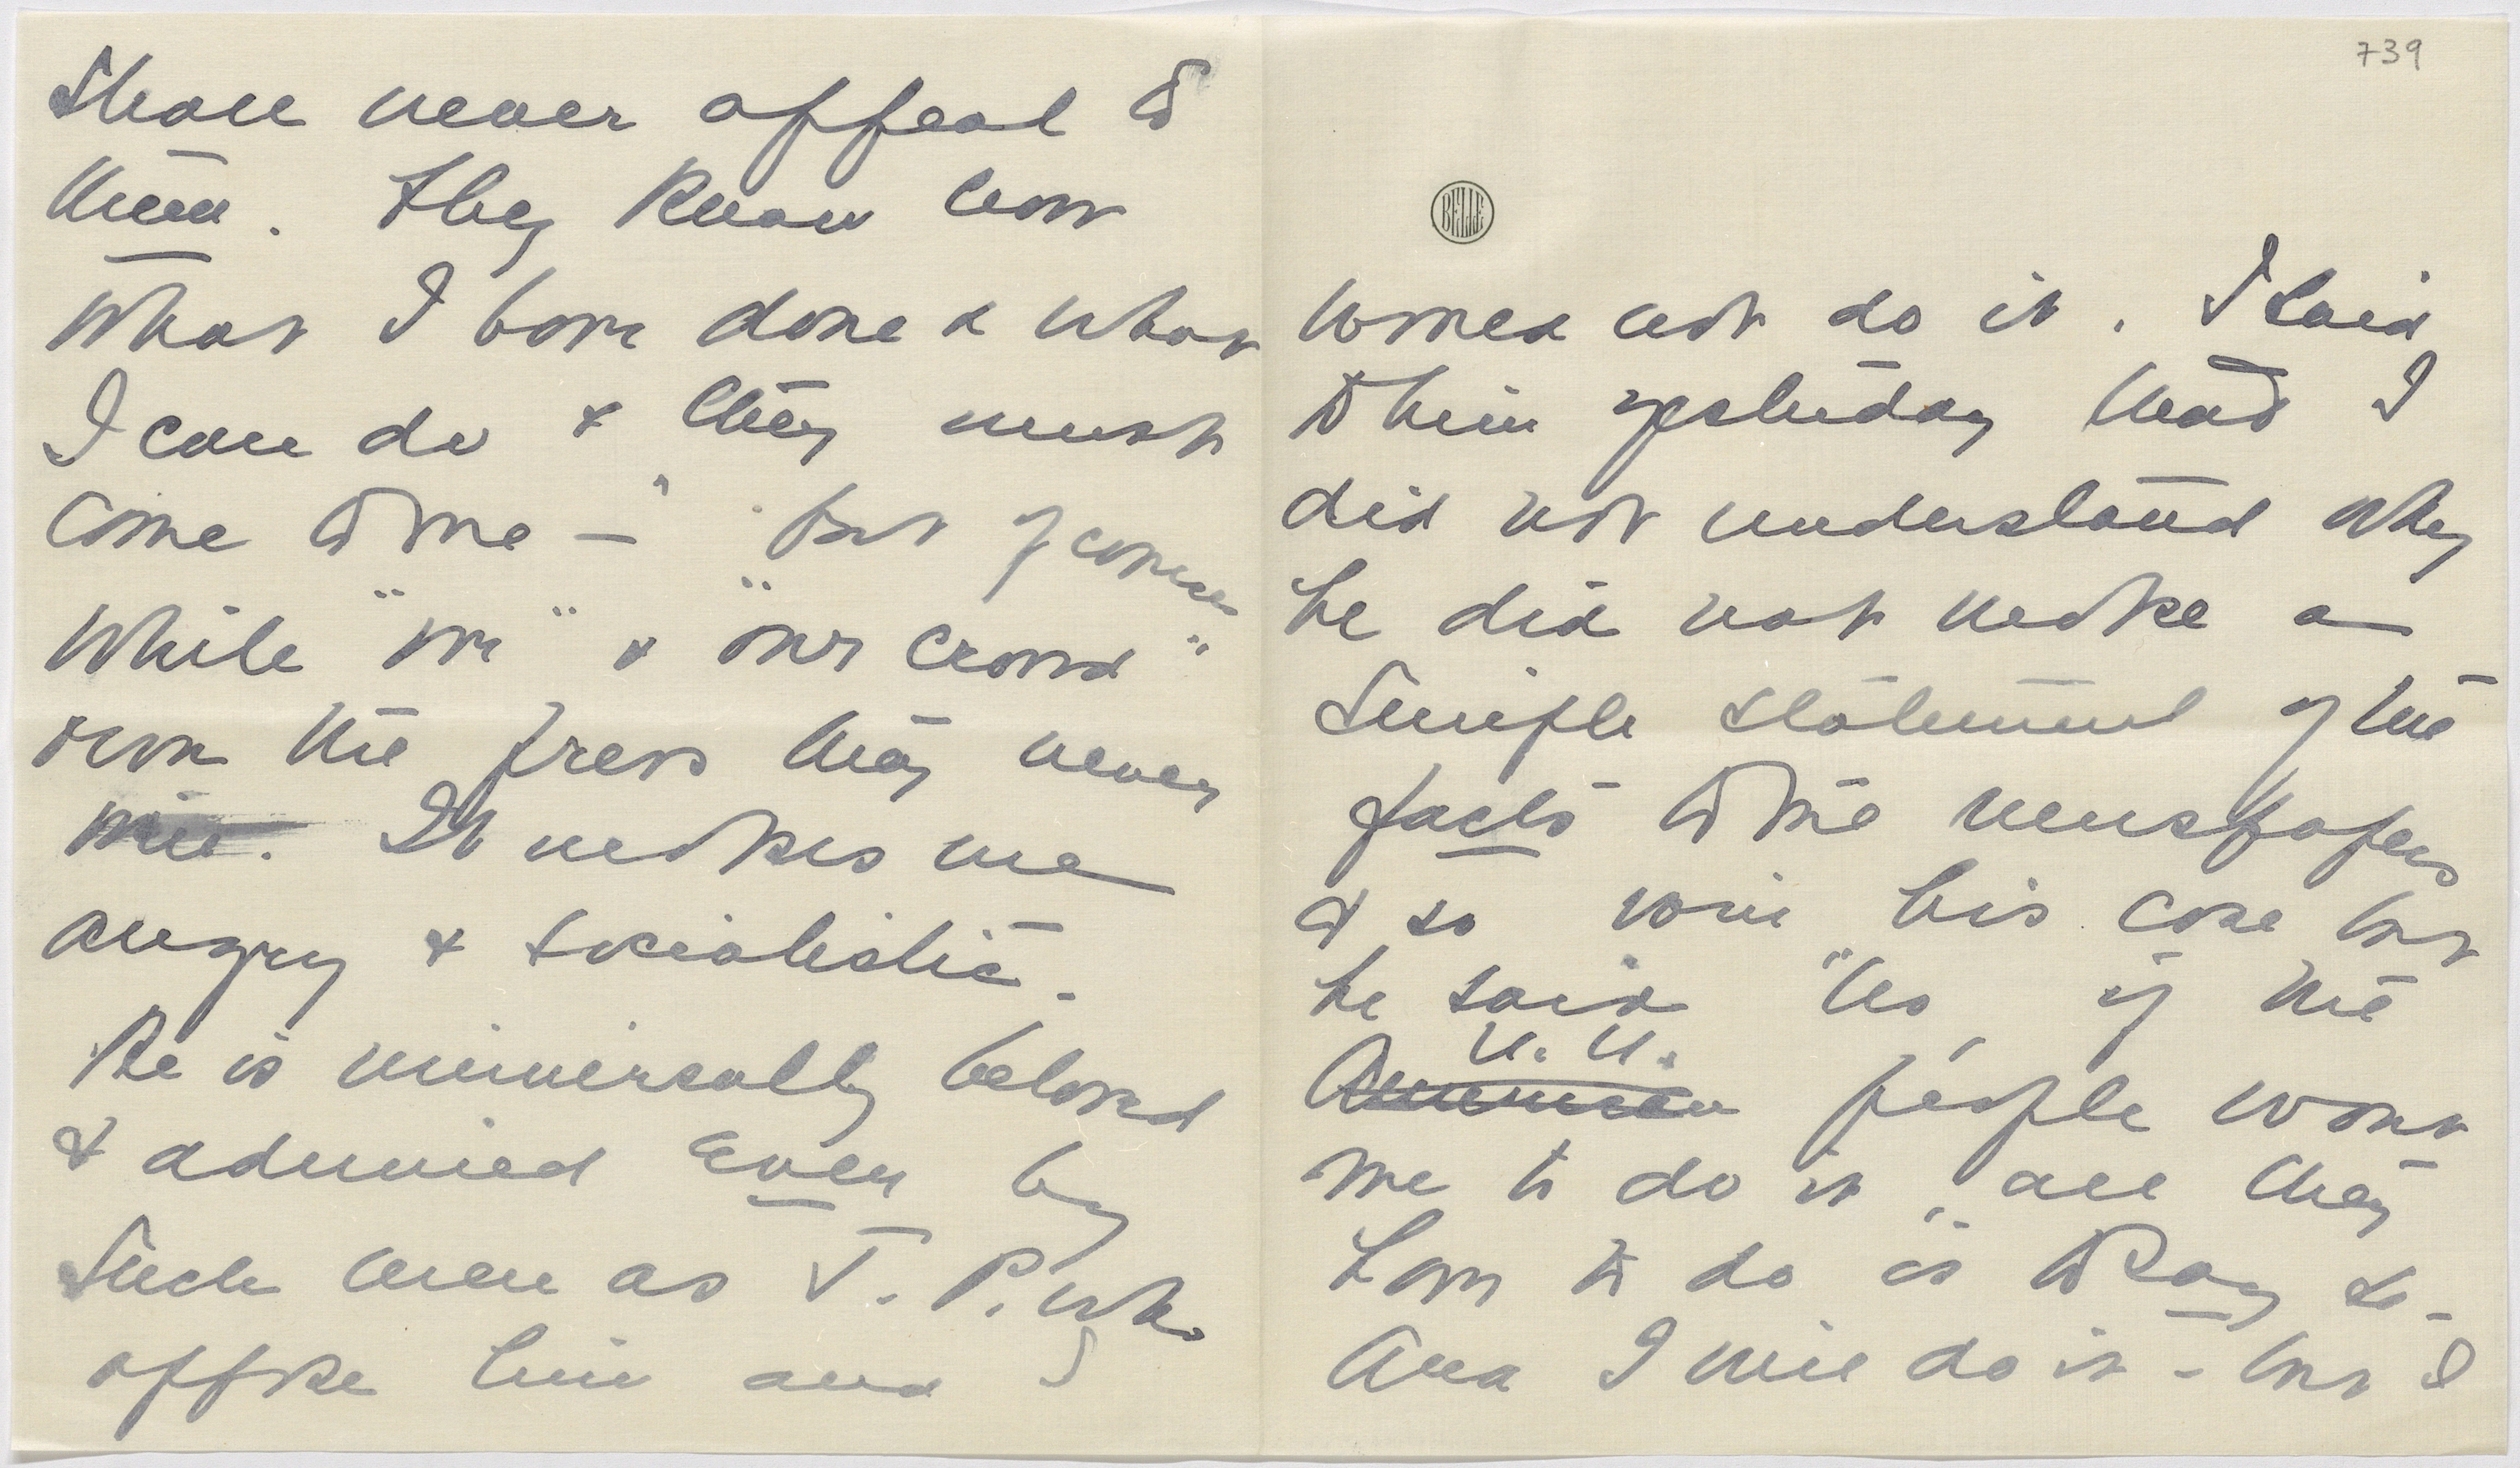would not do it. I said to him yesterday that I did not understand why he did not make a simple statement of the facts to the newspapers & so win his case but he said “No, if the American [^N.Y.^] people want me to do it, all they have to do is to say so – and I will do it – but I
shall never appeal to them. They know now what I have done & what I can do & they must come to me – ” but of course while “we” & “our crowd” own the press they never win. It makes me angry & socialistic. He is universally beloved & admired even by such men as J. P. who oppose him and I